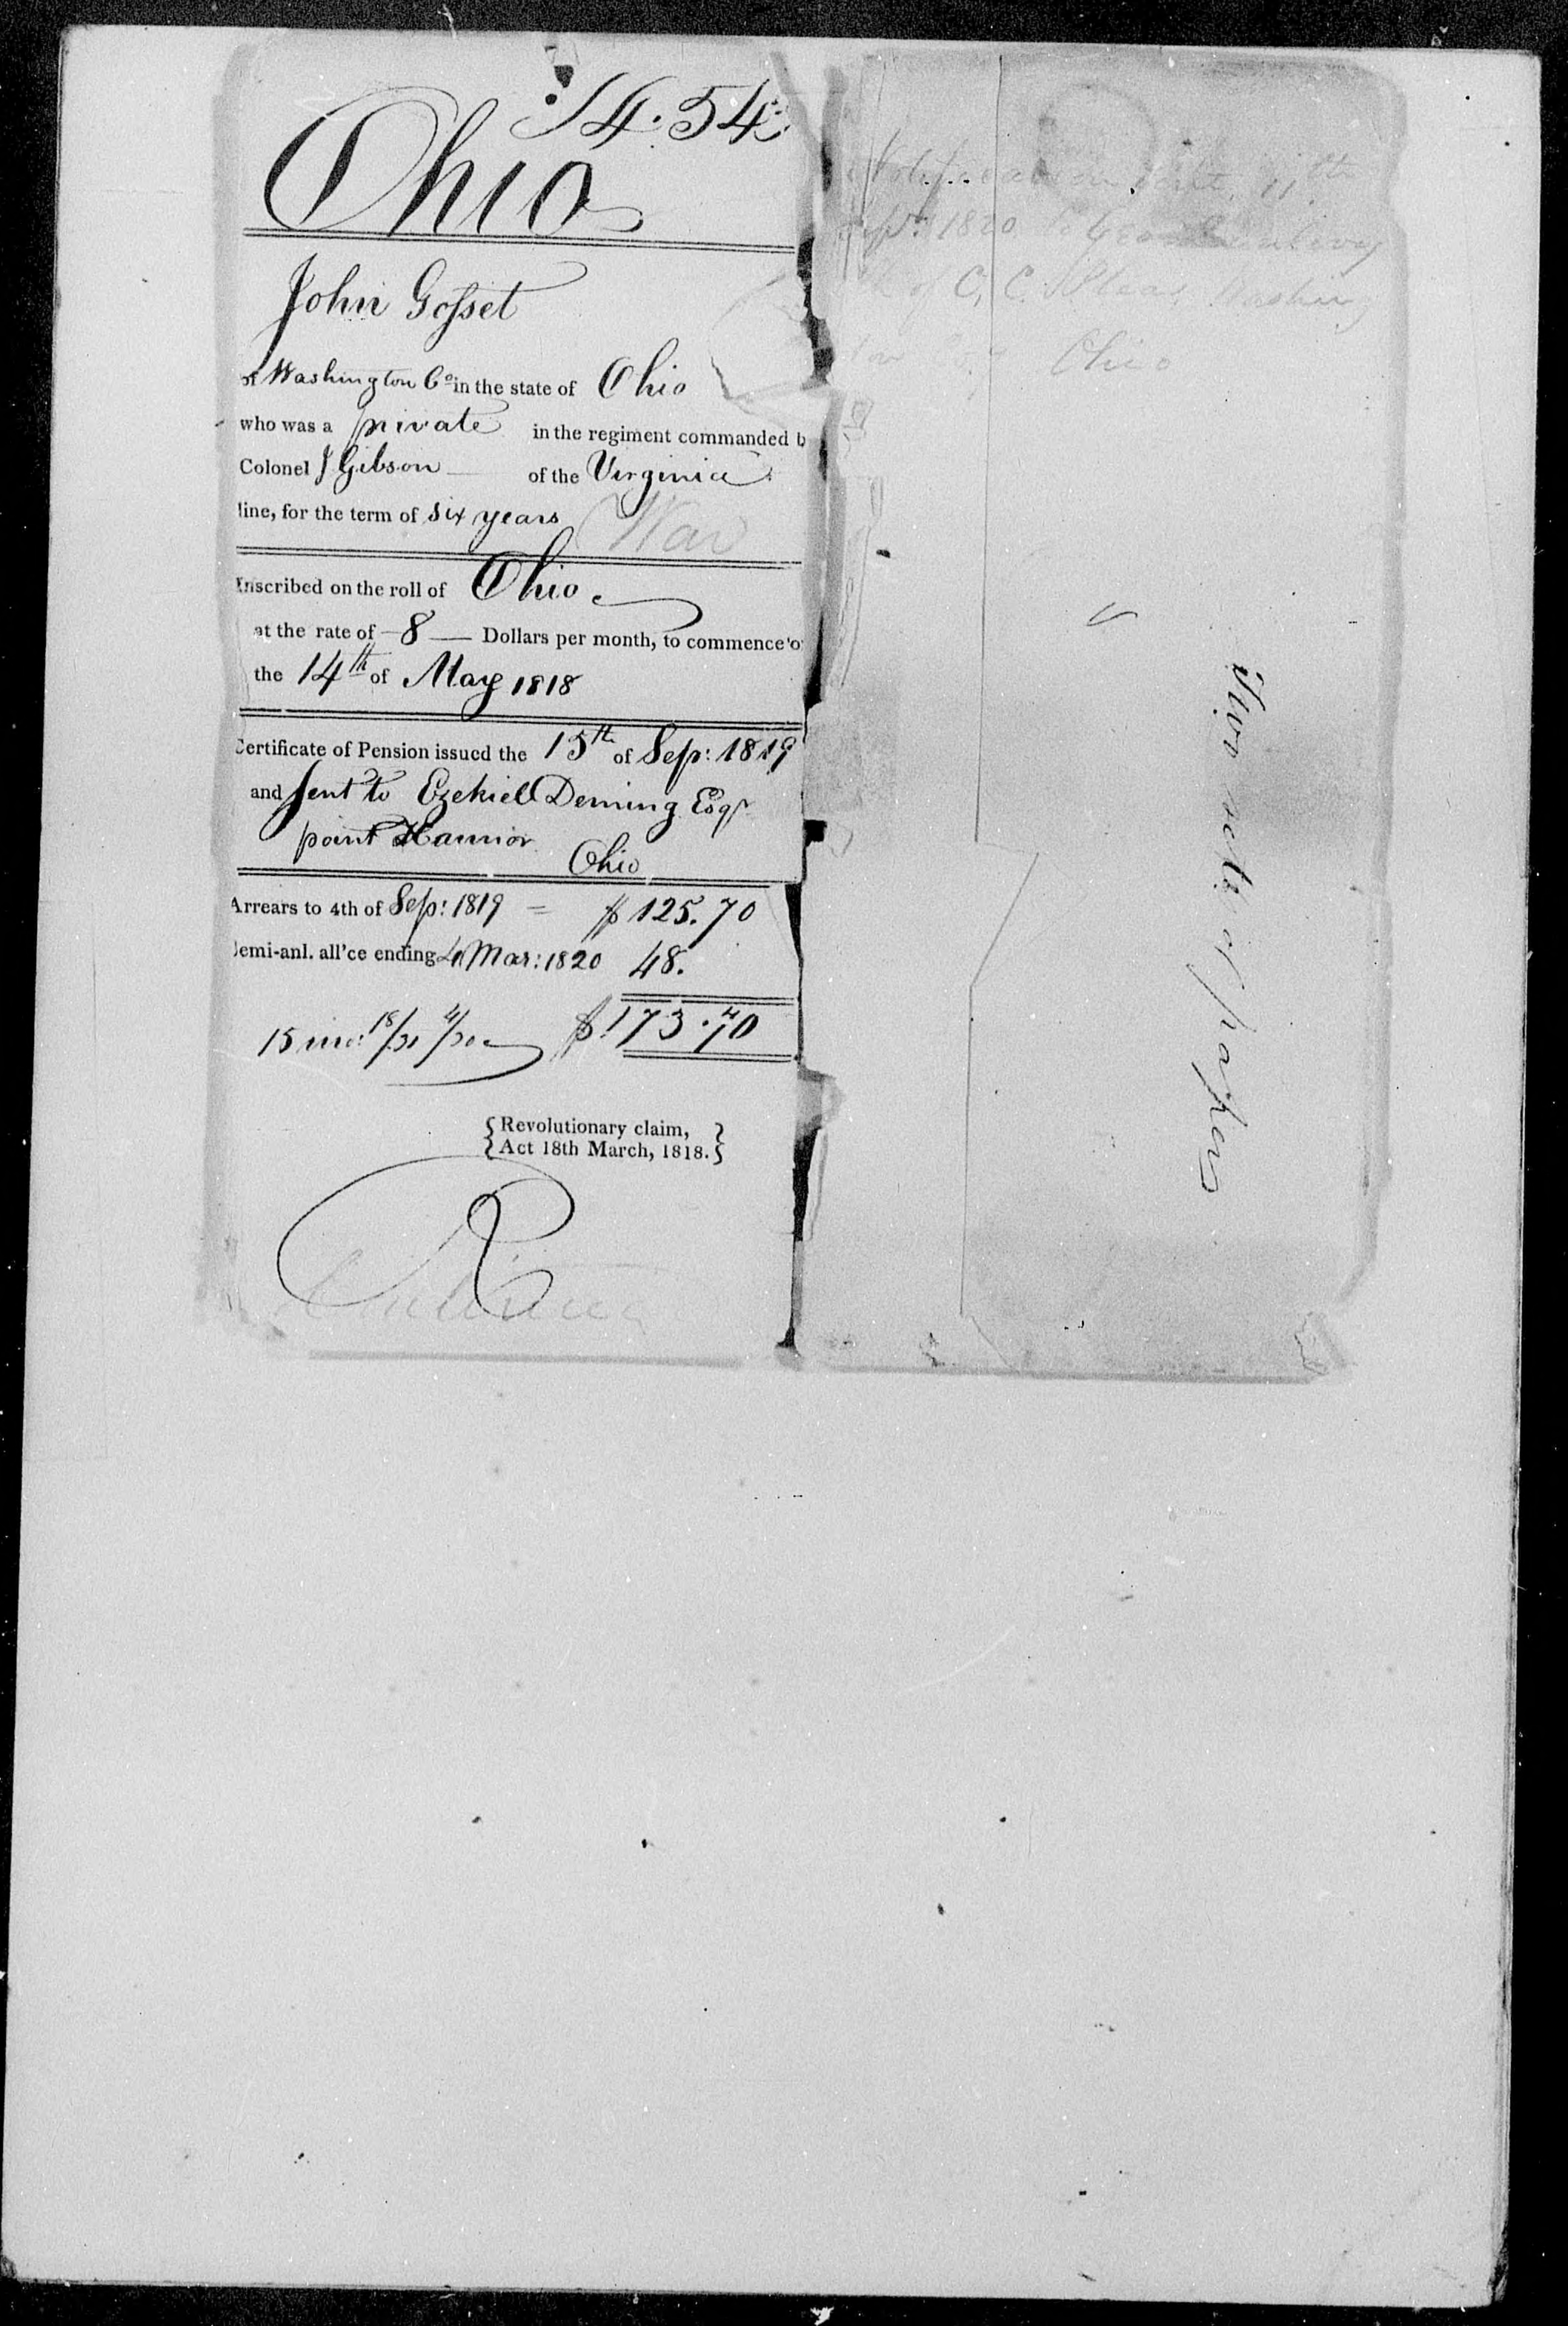[left page]
S4.543
Ohio
___
John Gosset of Washington Co in the state of Ohio who was a private in the regiment commanded by Colonel J Gibson of the Virginia line, for the term of six years
[lightly written] War
___
Inscribed on the roll of Ohio at the rate of 8 Dollars per month, to commence on the 14th of May 1818
___
Certificate of Pension issued the 15th of Sep: 1819 and Sent to Ezekiel Deming Esqr point Harmar Ohio
___
Arrears to 4th of Sep: 1819 = $125.70
Semi-anl. all'ce ending 4 Mar: 1820 48.
15mos 18/31 4/30 $173.70
_
{Revolutionary claim, Act 18th March, 1818.}
R
Continued [faint handwriting]

[right page; vertical]
Two sets of papers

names: J Gibson, John Gosset, Ezekiel Deming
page: 21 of 21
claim: survivor's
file: S. 42,750, John Gosset, Va.